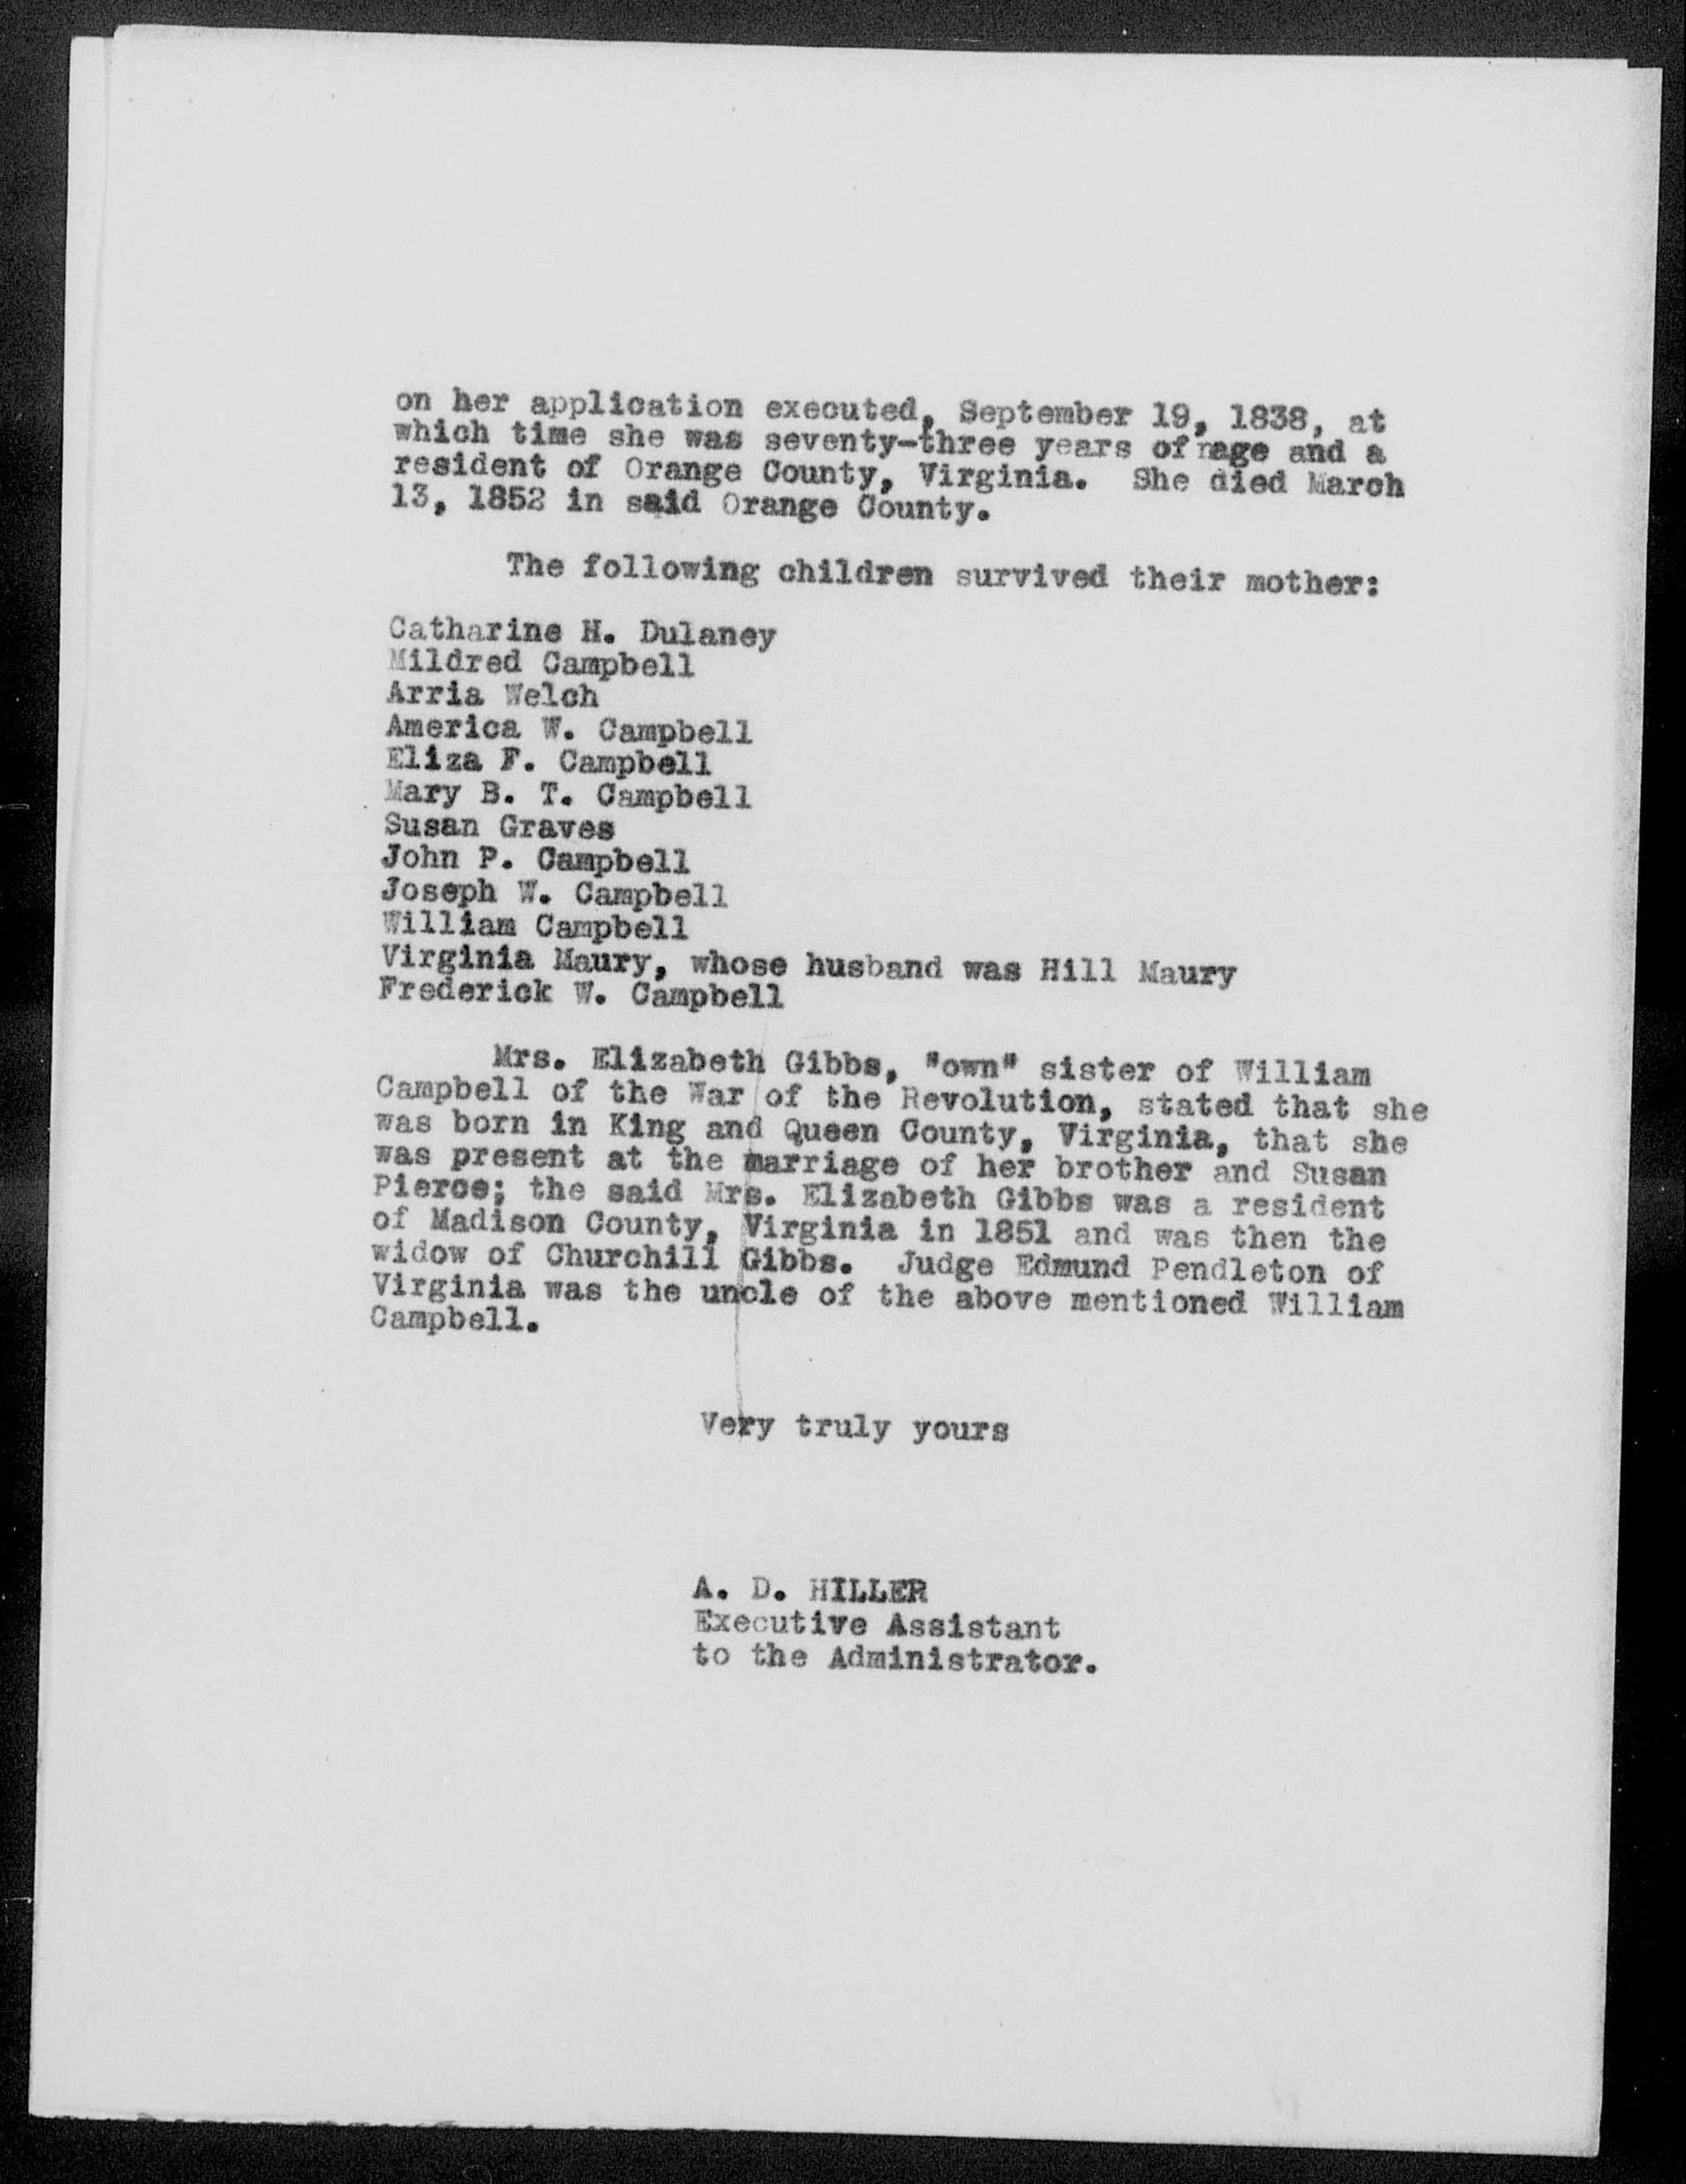on her application executed, September 19, 1838, at which time she was seventy-three years of age and a resident of Orange County, Virginia. She died March 13, 1852 in said Orange County.

The following children survived their mother:

Catharine H. Dulaney
Mildred Campbell
Arria Welch
America W. Campbell
Eliza F. Campbell
Mary B. T. Campbell
Susan Graves
John P. Campbell
Joseph W. Campbell
William Campbell
Virginia Maury, whose husband was Hill Maury
Frederick W. Campbell

Mrs. Elizabeth Gibbs, "own" sister of William Campbell of the War of the Revolution, stated that she was born in King and Queen County, Virginia, that she was present at the marriage of her brother and Susan Pierce; the  said Mrs. Elizabeth Gibbs was a resident of Madison County, Virginia in 1851 and was then the widow of Churchill Gibbs. Judge Edmund Pendleton of Virginia was the uncle of the above mentioned William Campbell.

Very truly yours

A. D. HILLER
Executive Assistant
to the Administrator.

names: Arria Welch, A D Hiller, William Campbell, William Campbell, Churchill Gibbs, William Campbell, Susan Graves, Susan Pierce, Hill Maury, Mary B T Campbell, Virginia Maury, Eliza F Campbell, Edmund Pendleton, Joseph W Campbell, America W Campbell, Elizabeth Gibbs, Catharine H Dulaney, Mildred Campbell, Frederick W Campbell, John P Campbell, Elizabeth Gibbs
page: 30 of 267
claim: widow's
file: W. 4,149, William Campbell, Va.